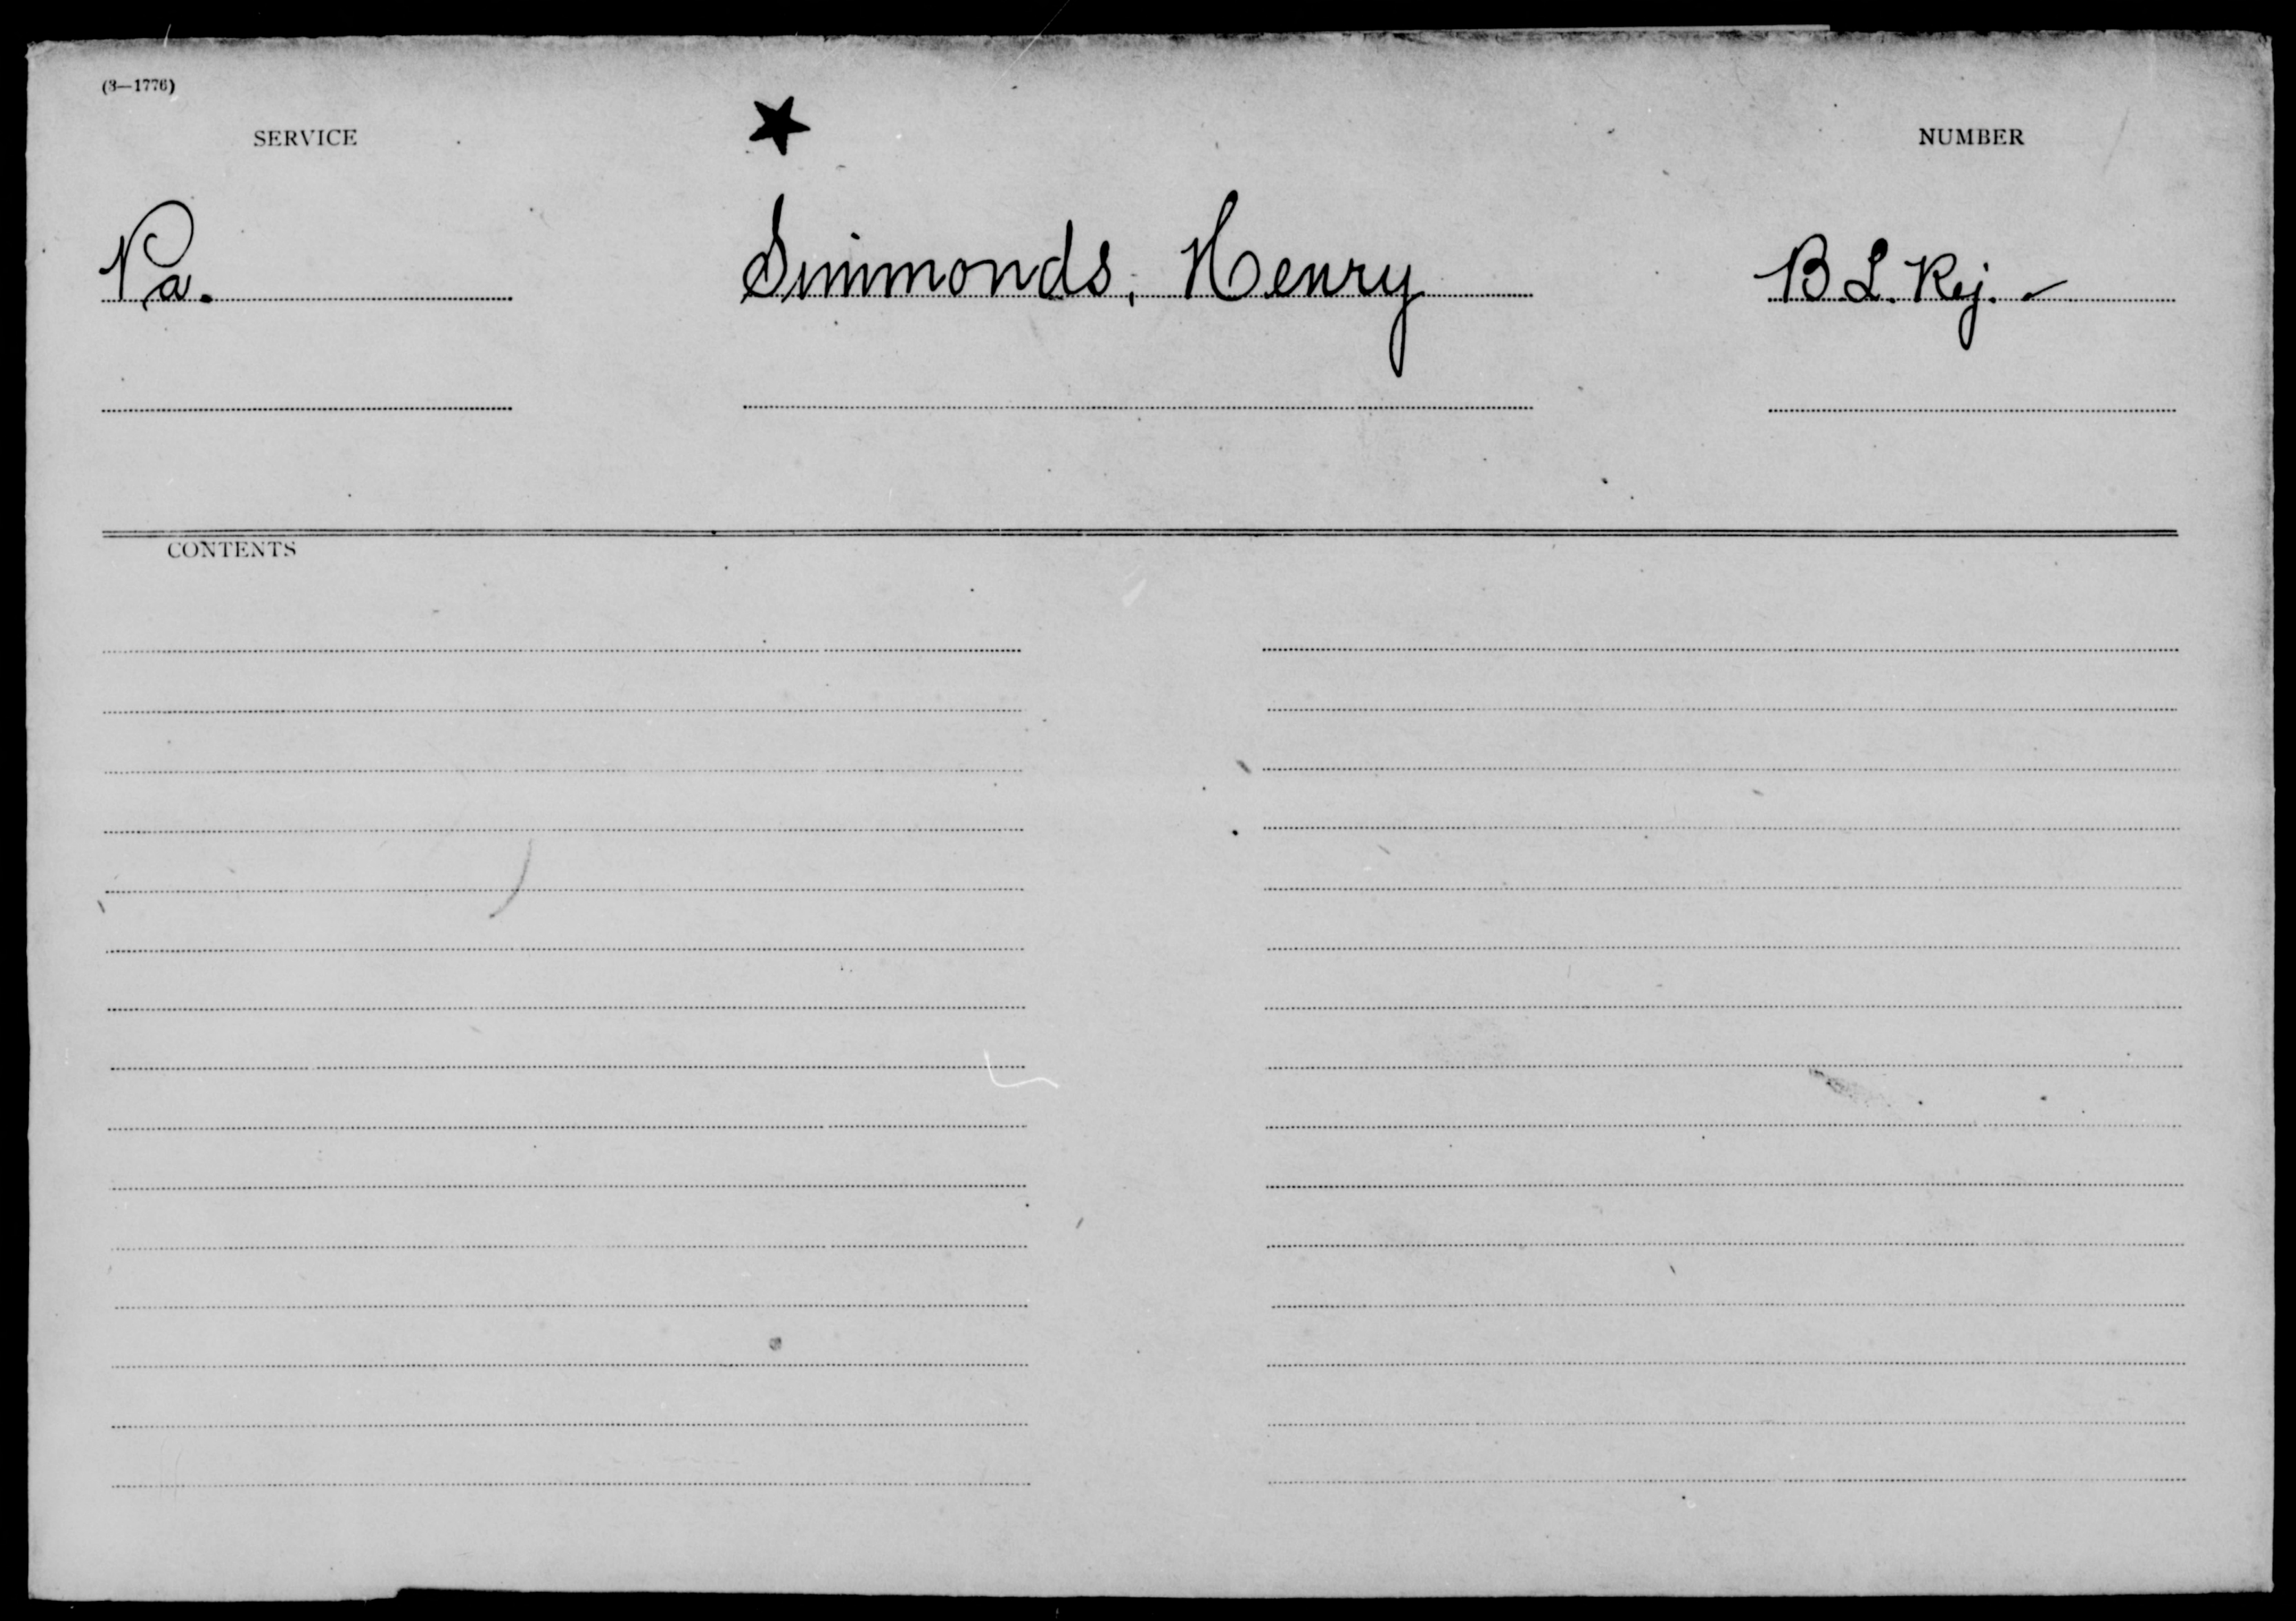SERVICE   Pa.
Simmonds, Henry
B. L. Rej - [bounty land] rejected]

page: 1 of 6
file: B. L. Rej., for Henry Simmonds, Pennsylvania